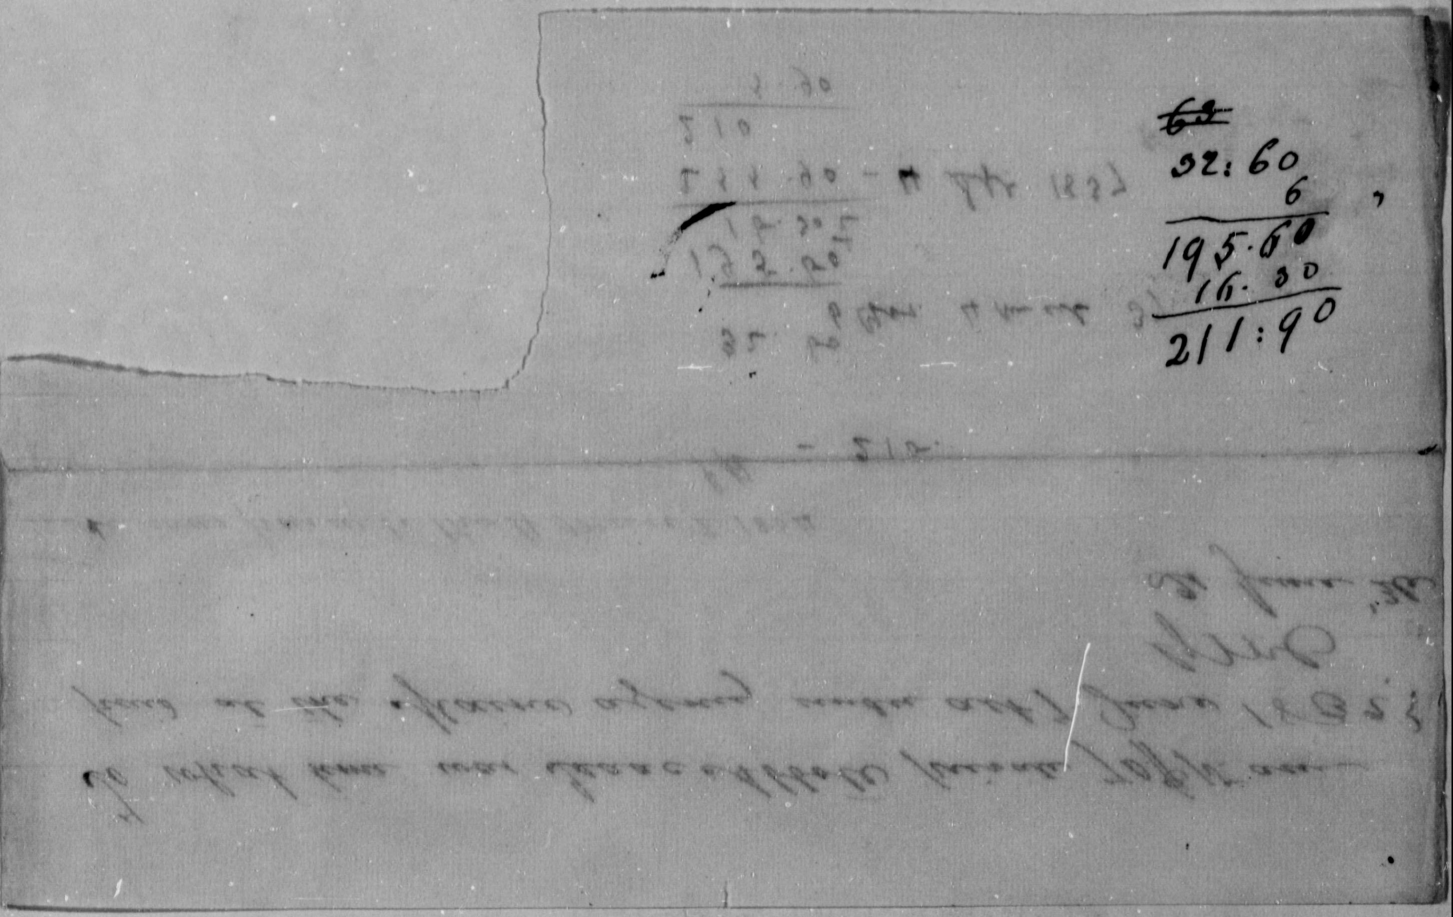32.60
6
-----
195.60
16.30
-----
211.90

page: 59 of 86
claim: survivor's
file: S 29,568, Isaac Abbot, Mass